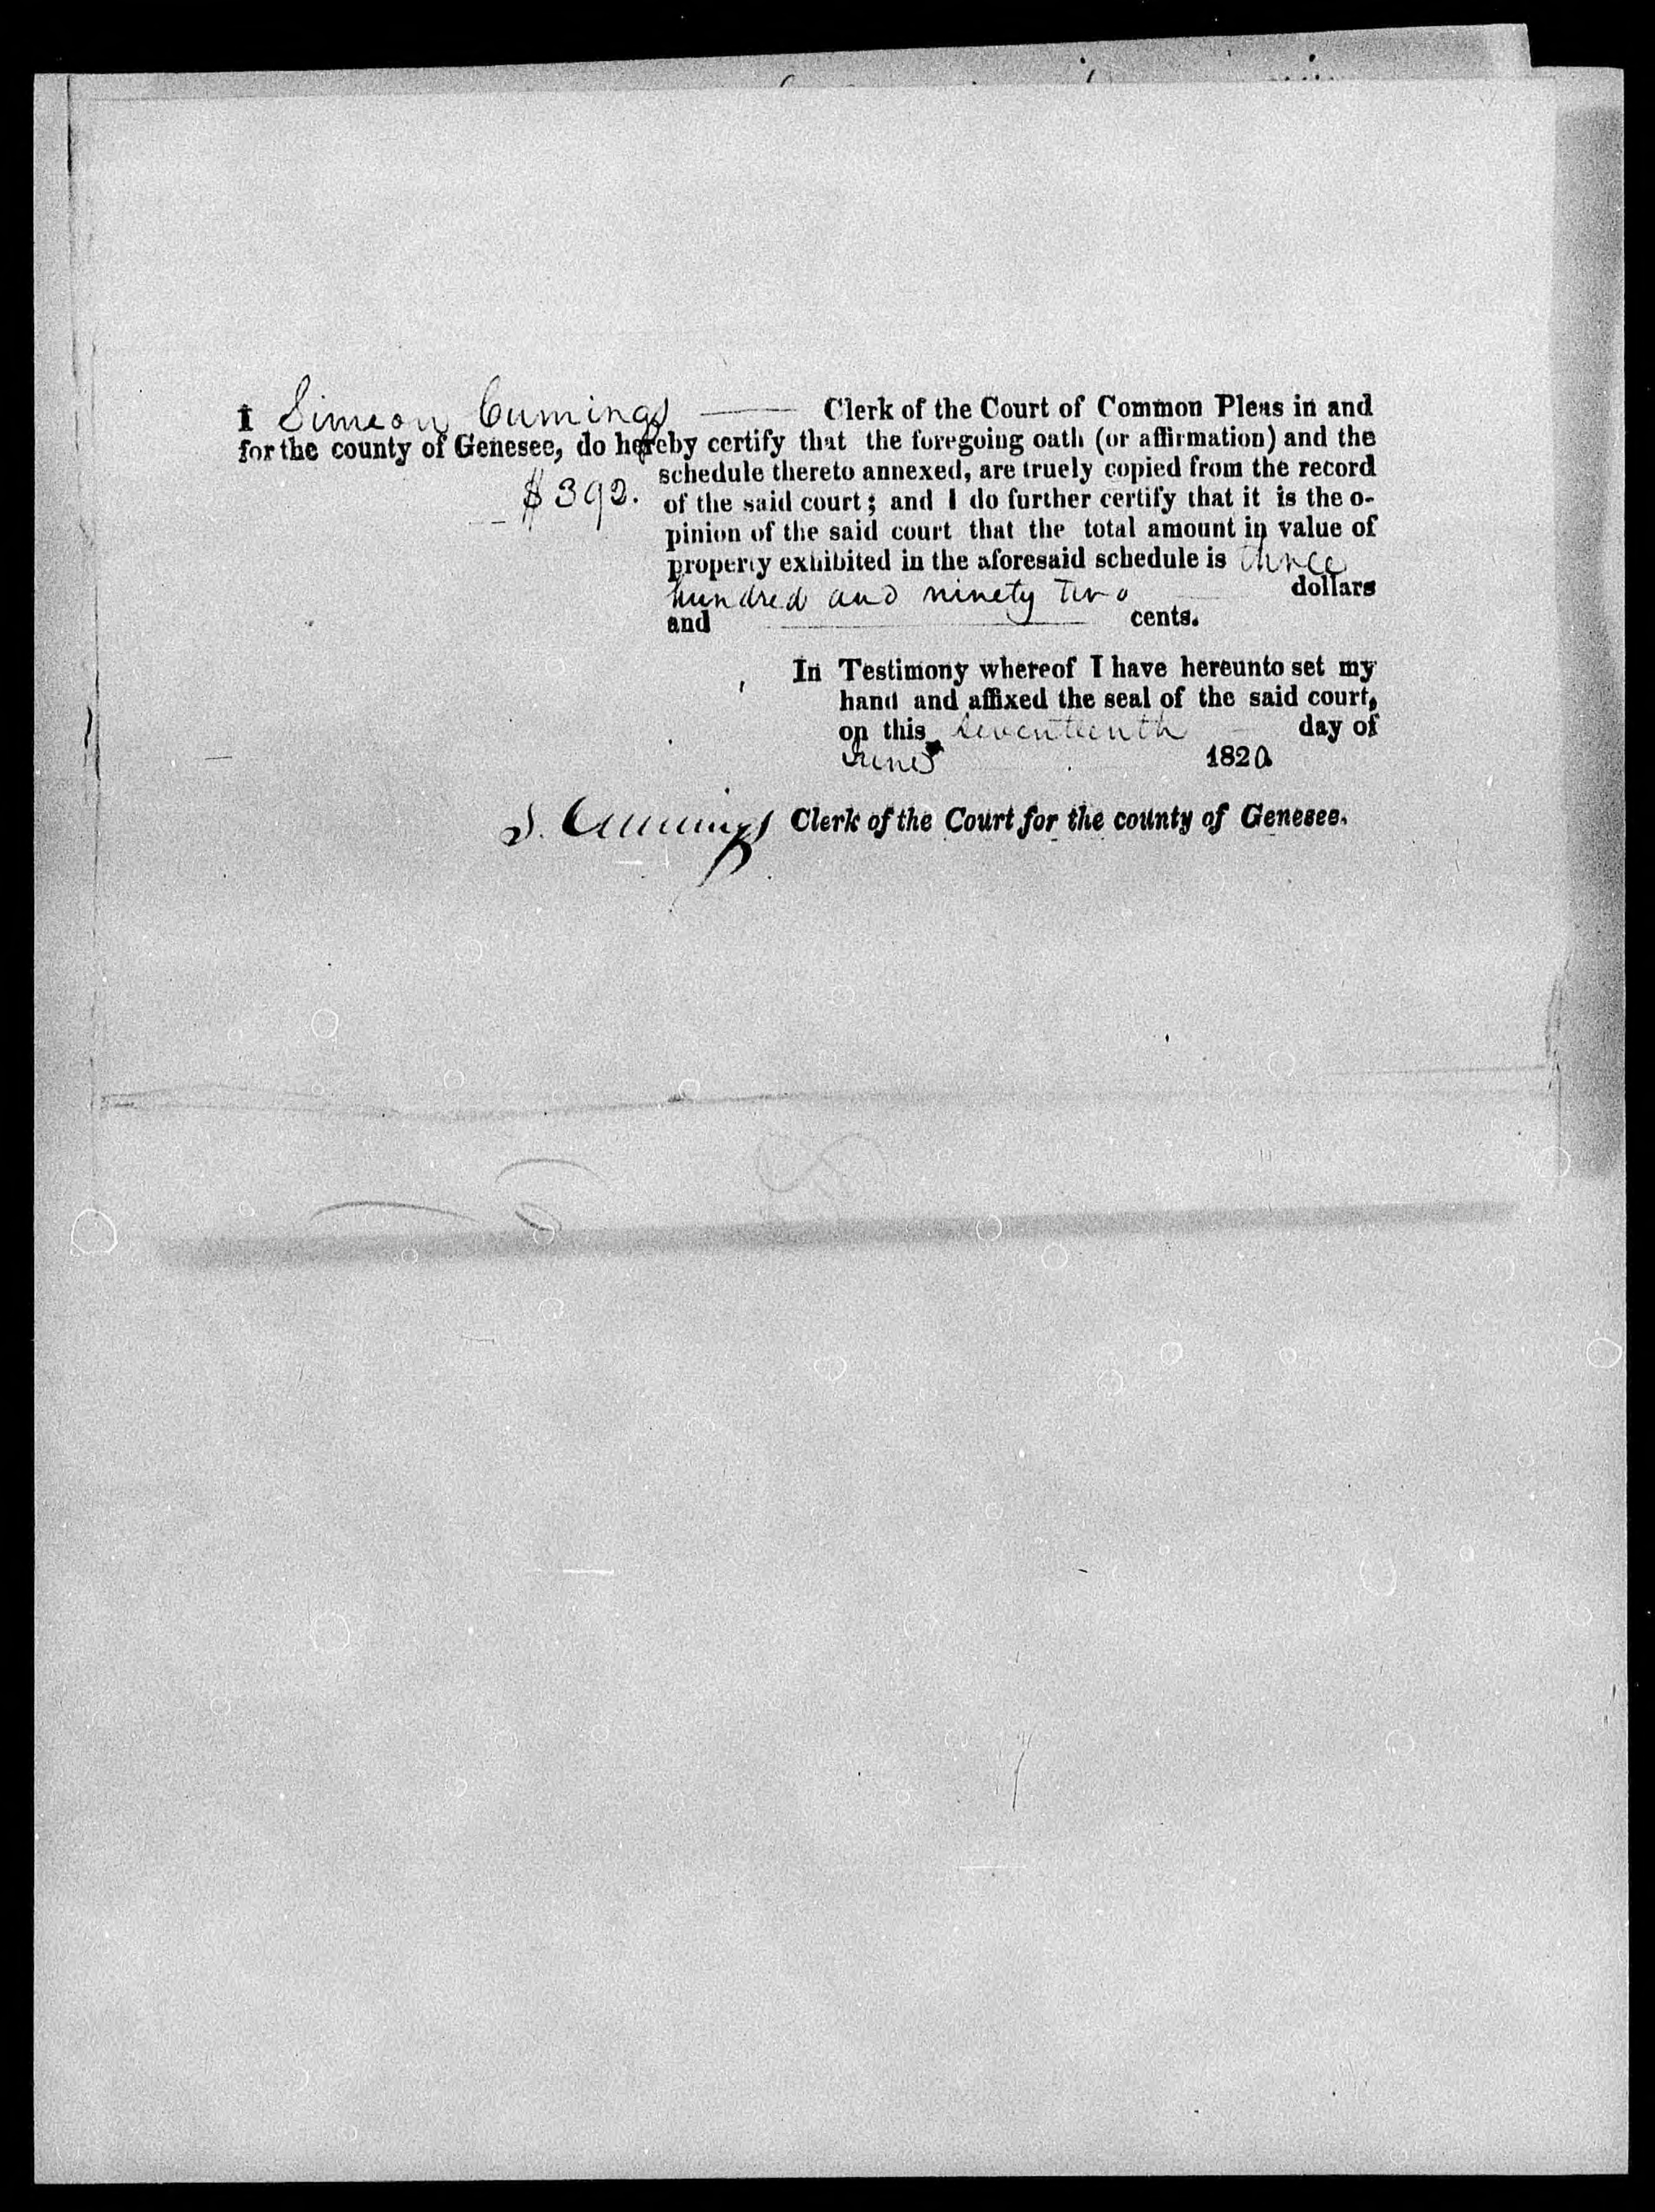I Simeon Cumings Clerk of the Court of Common Pleas in and for the county of Genesee, do hereby certify that the foregoing oath (or affirmation) and the $392. schedule thereto annexed, are truly copied from the record of the said court; and I do further certify that it is the opinion of the said court that the total amount in value of property exhibited in the aforesaid schedule if three hundred and ninety two dollars and -- cents.

In Testimony whereof I have hereunto set my hand and affixed the seal of the said court, on this seventeenth day of June 1820.

S. Cumings Clerk of the Court for the county of Genesee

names: Simeon Cumings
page: 6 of 36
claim: survivor's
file: S. 42,792, for John Kimball, Connecticut